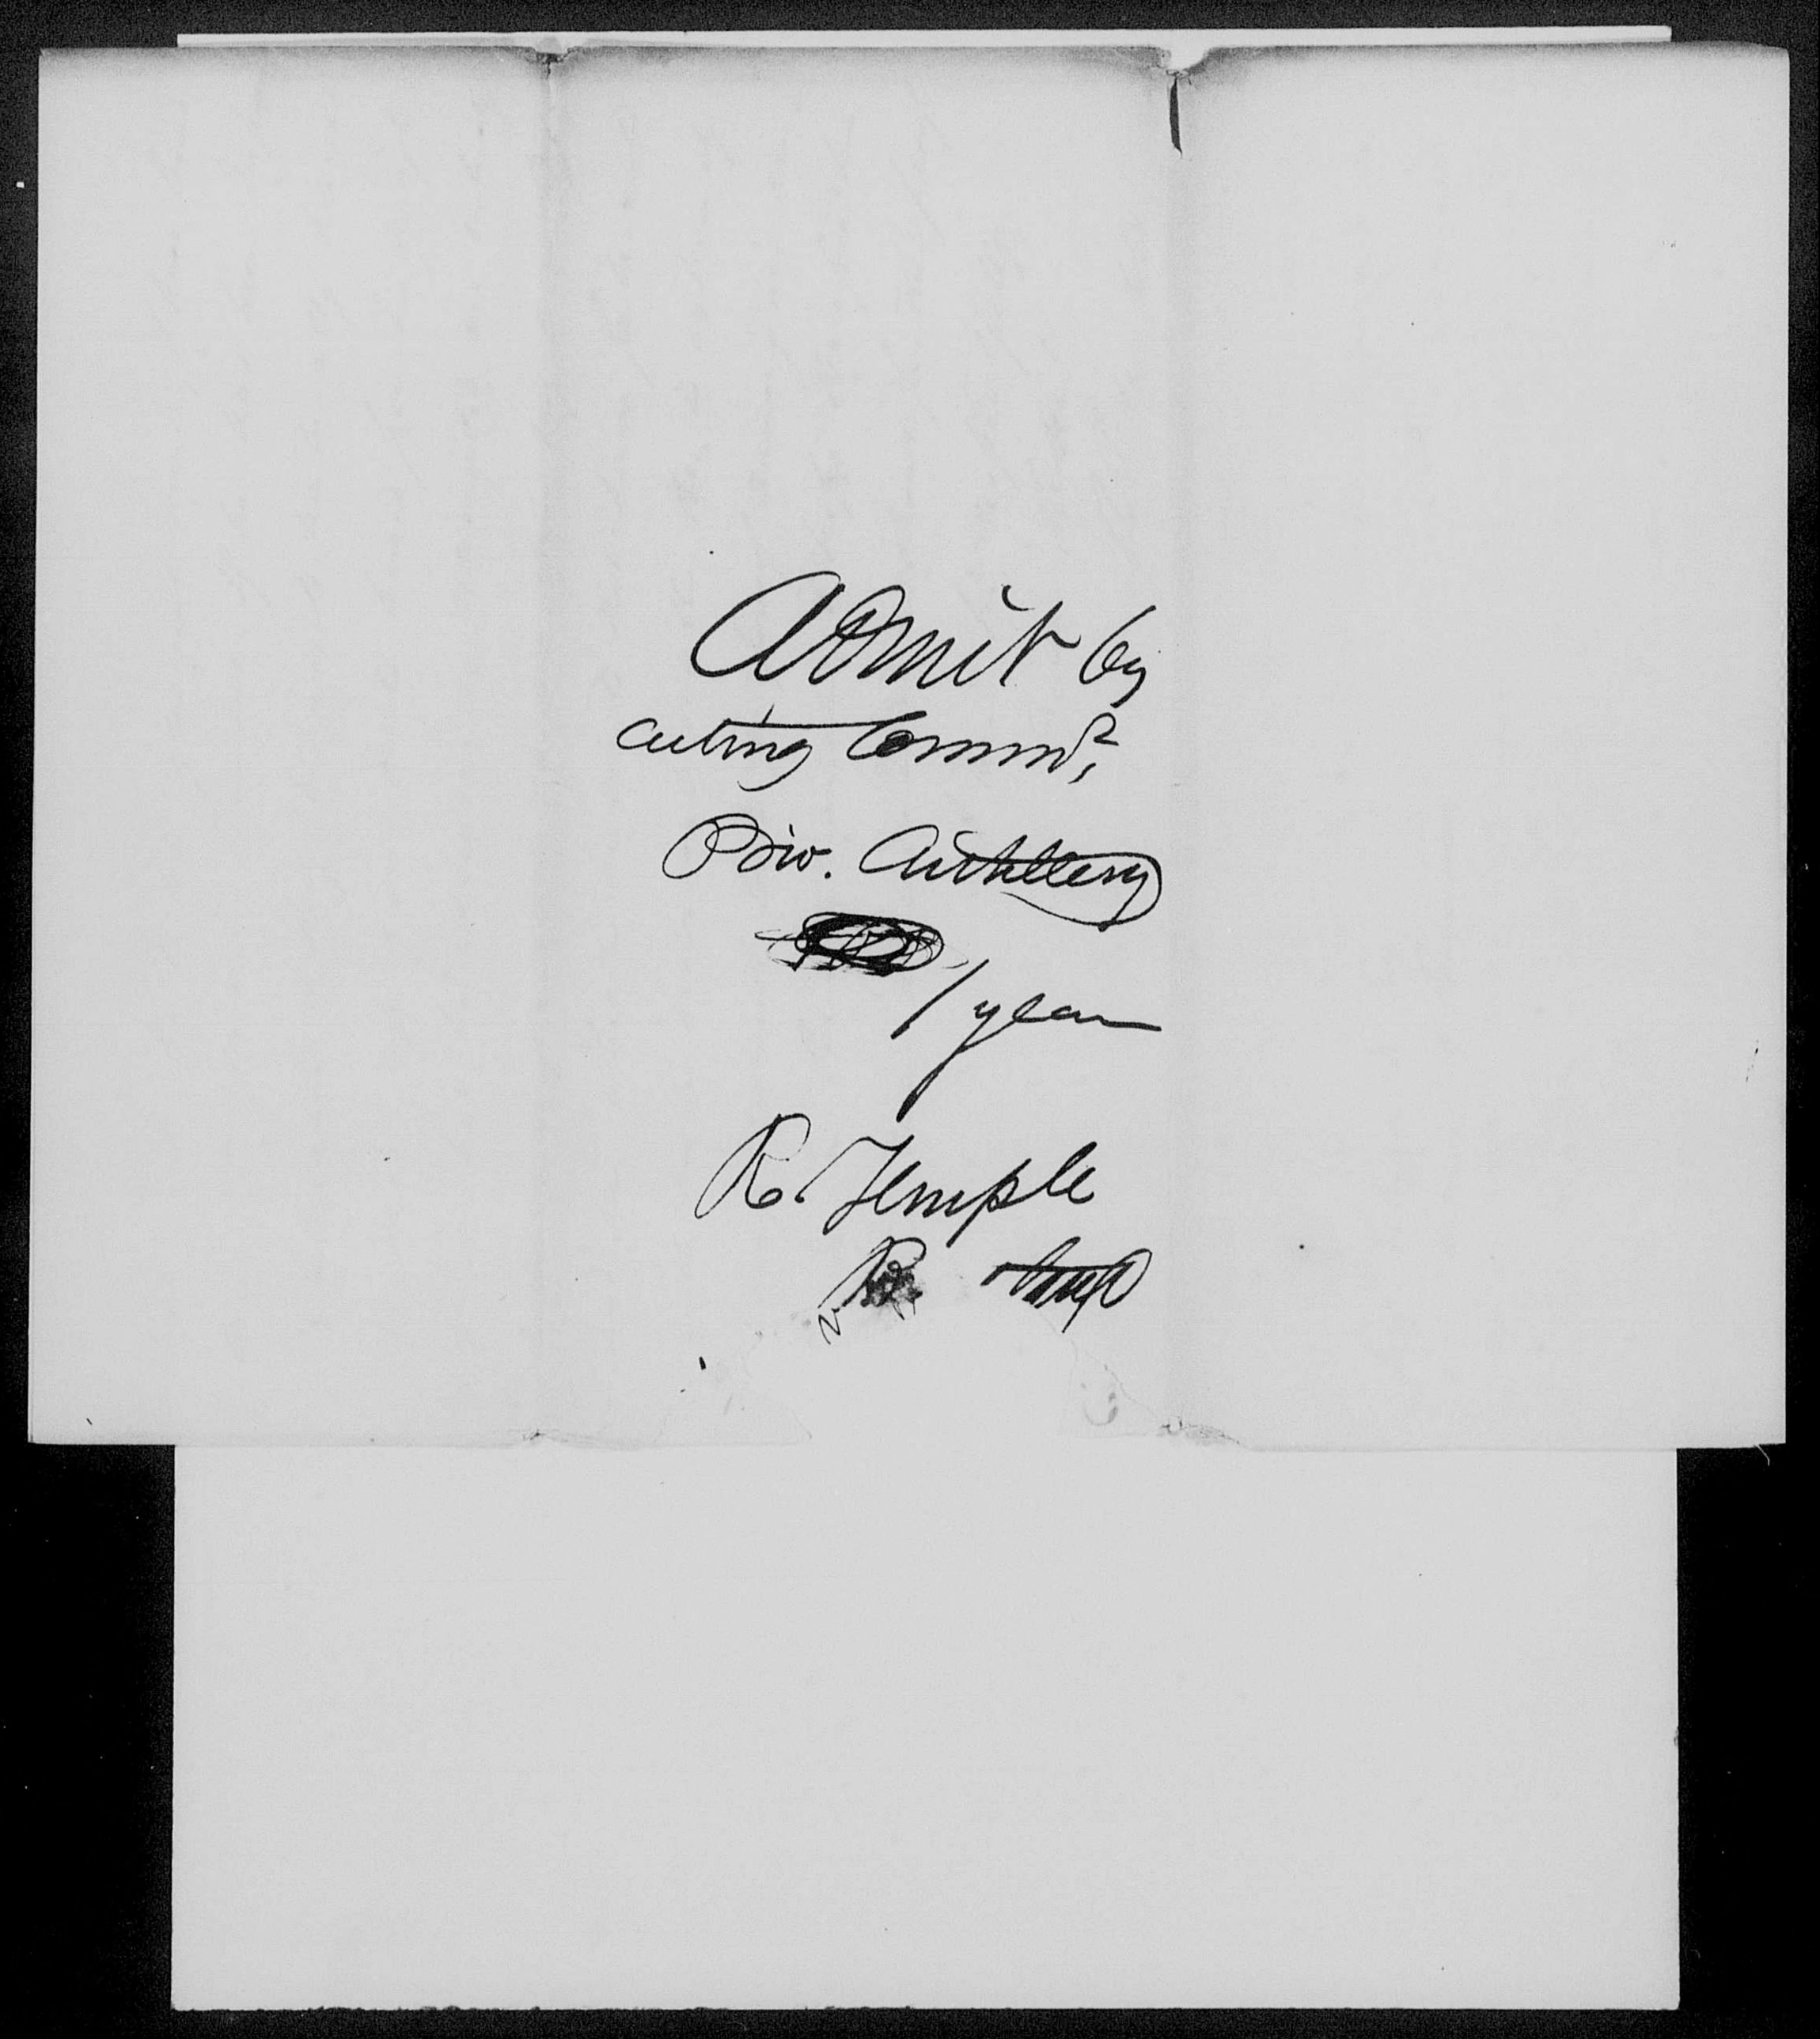Admit by acting commr,
Priv. Authority
/ year
R. Temple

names: R Temple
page: 14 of 17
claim: survivor's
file: S. 10575, James Dowling, Penn.